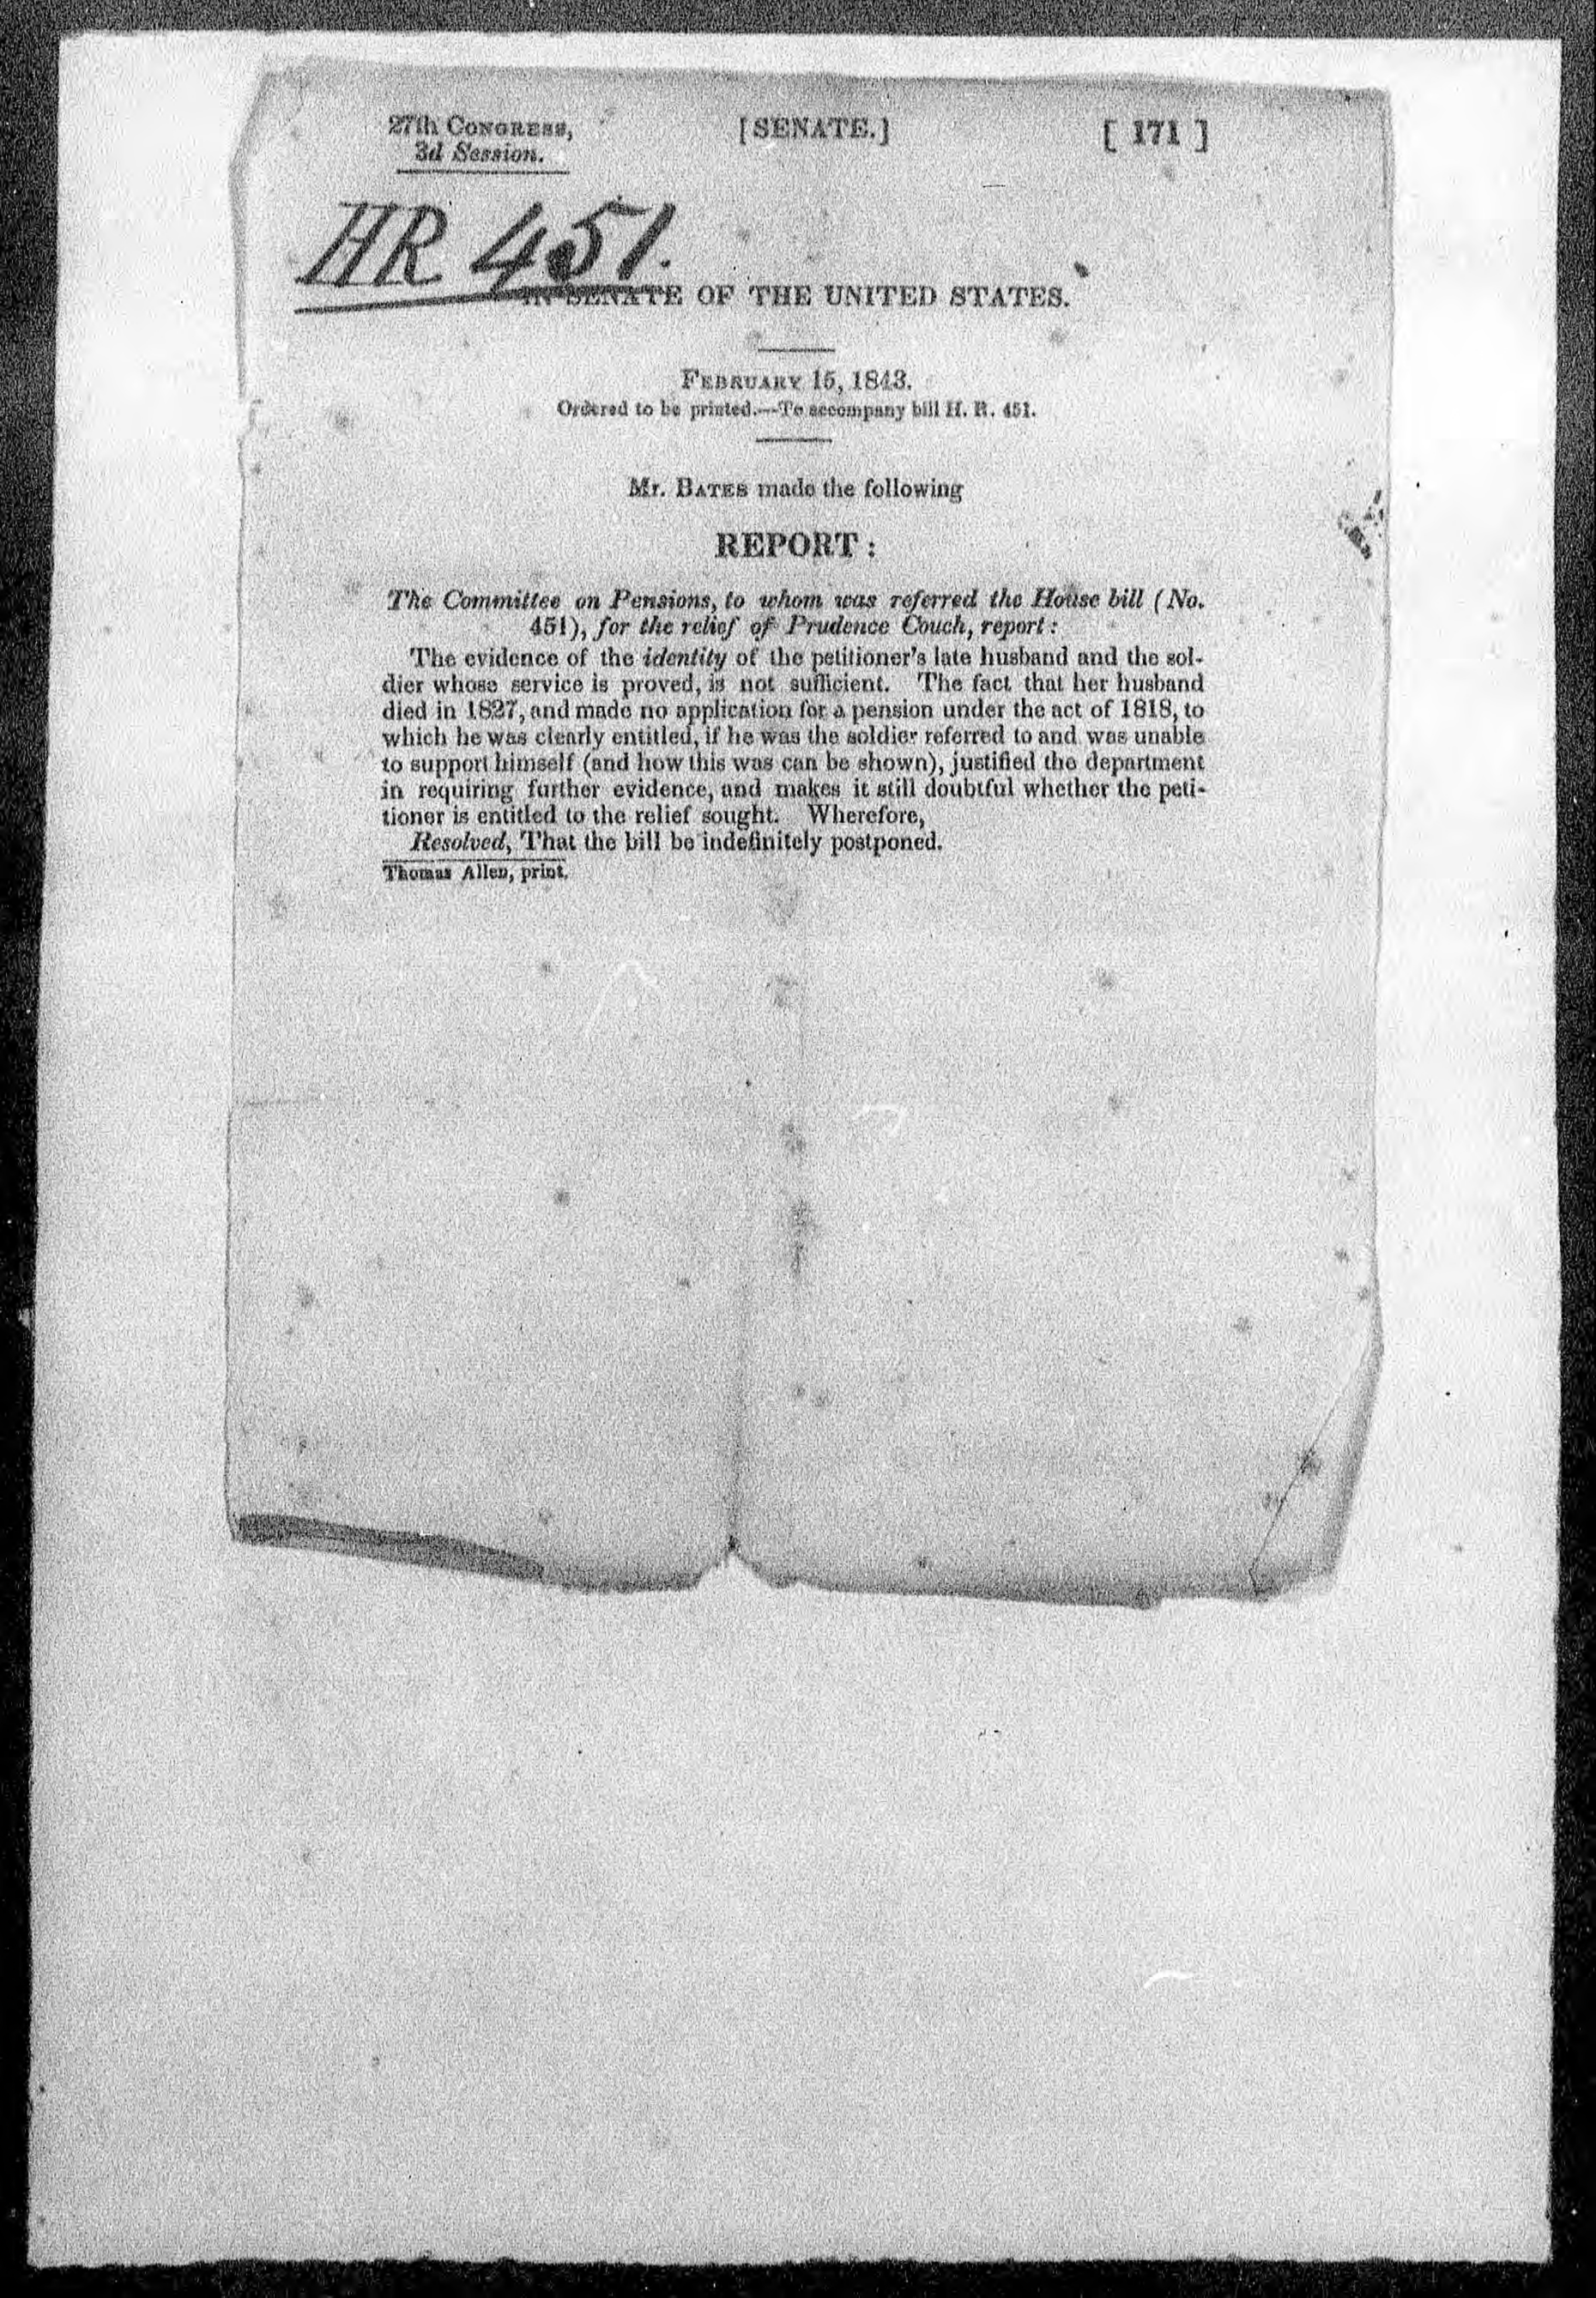[SENATE] [171]
27th Congress,
3d Session

HR451 IN SENATE OF THE UNITED STATES
February 15, 1843
Ordered to be printed--to accompany bill H.R. 451

Mr. Bates made the following REPORT:

The Committee on Pensions, to whom was referred the House bill (No. 451), for the relief of Prudence Couch, report:
The evidence of the identity of the petitioner's late husband and the soldier whose service is proved, is not sufficient. The fact that her husband died in 1827, and made no application for a pension under the act of 1818, to which he was clearly entitled, if he was the soldier referred to and was unable to support himself (and how this was can be shown), justified the department in requiring further evidence, and makes it still doubtful whether the petitioner is entitled to the relief sought. Wherefore, Resolved, That the bill be indefinitely postponed.
Thiomas Allen, print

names: Bates, Prudence Couch, Thomas Allen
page: 61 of 68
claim: rejected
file: R. 2,360, John Couch, Conn.